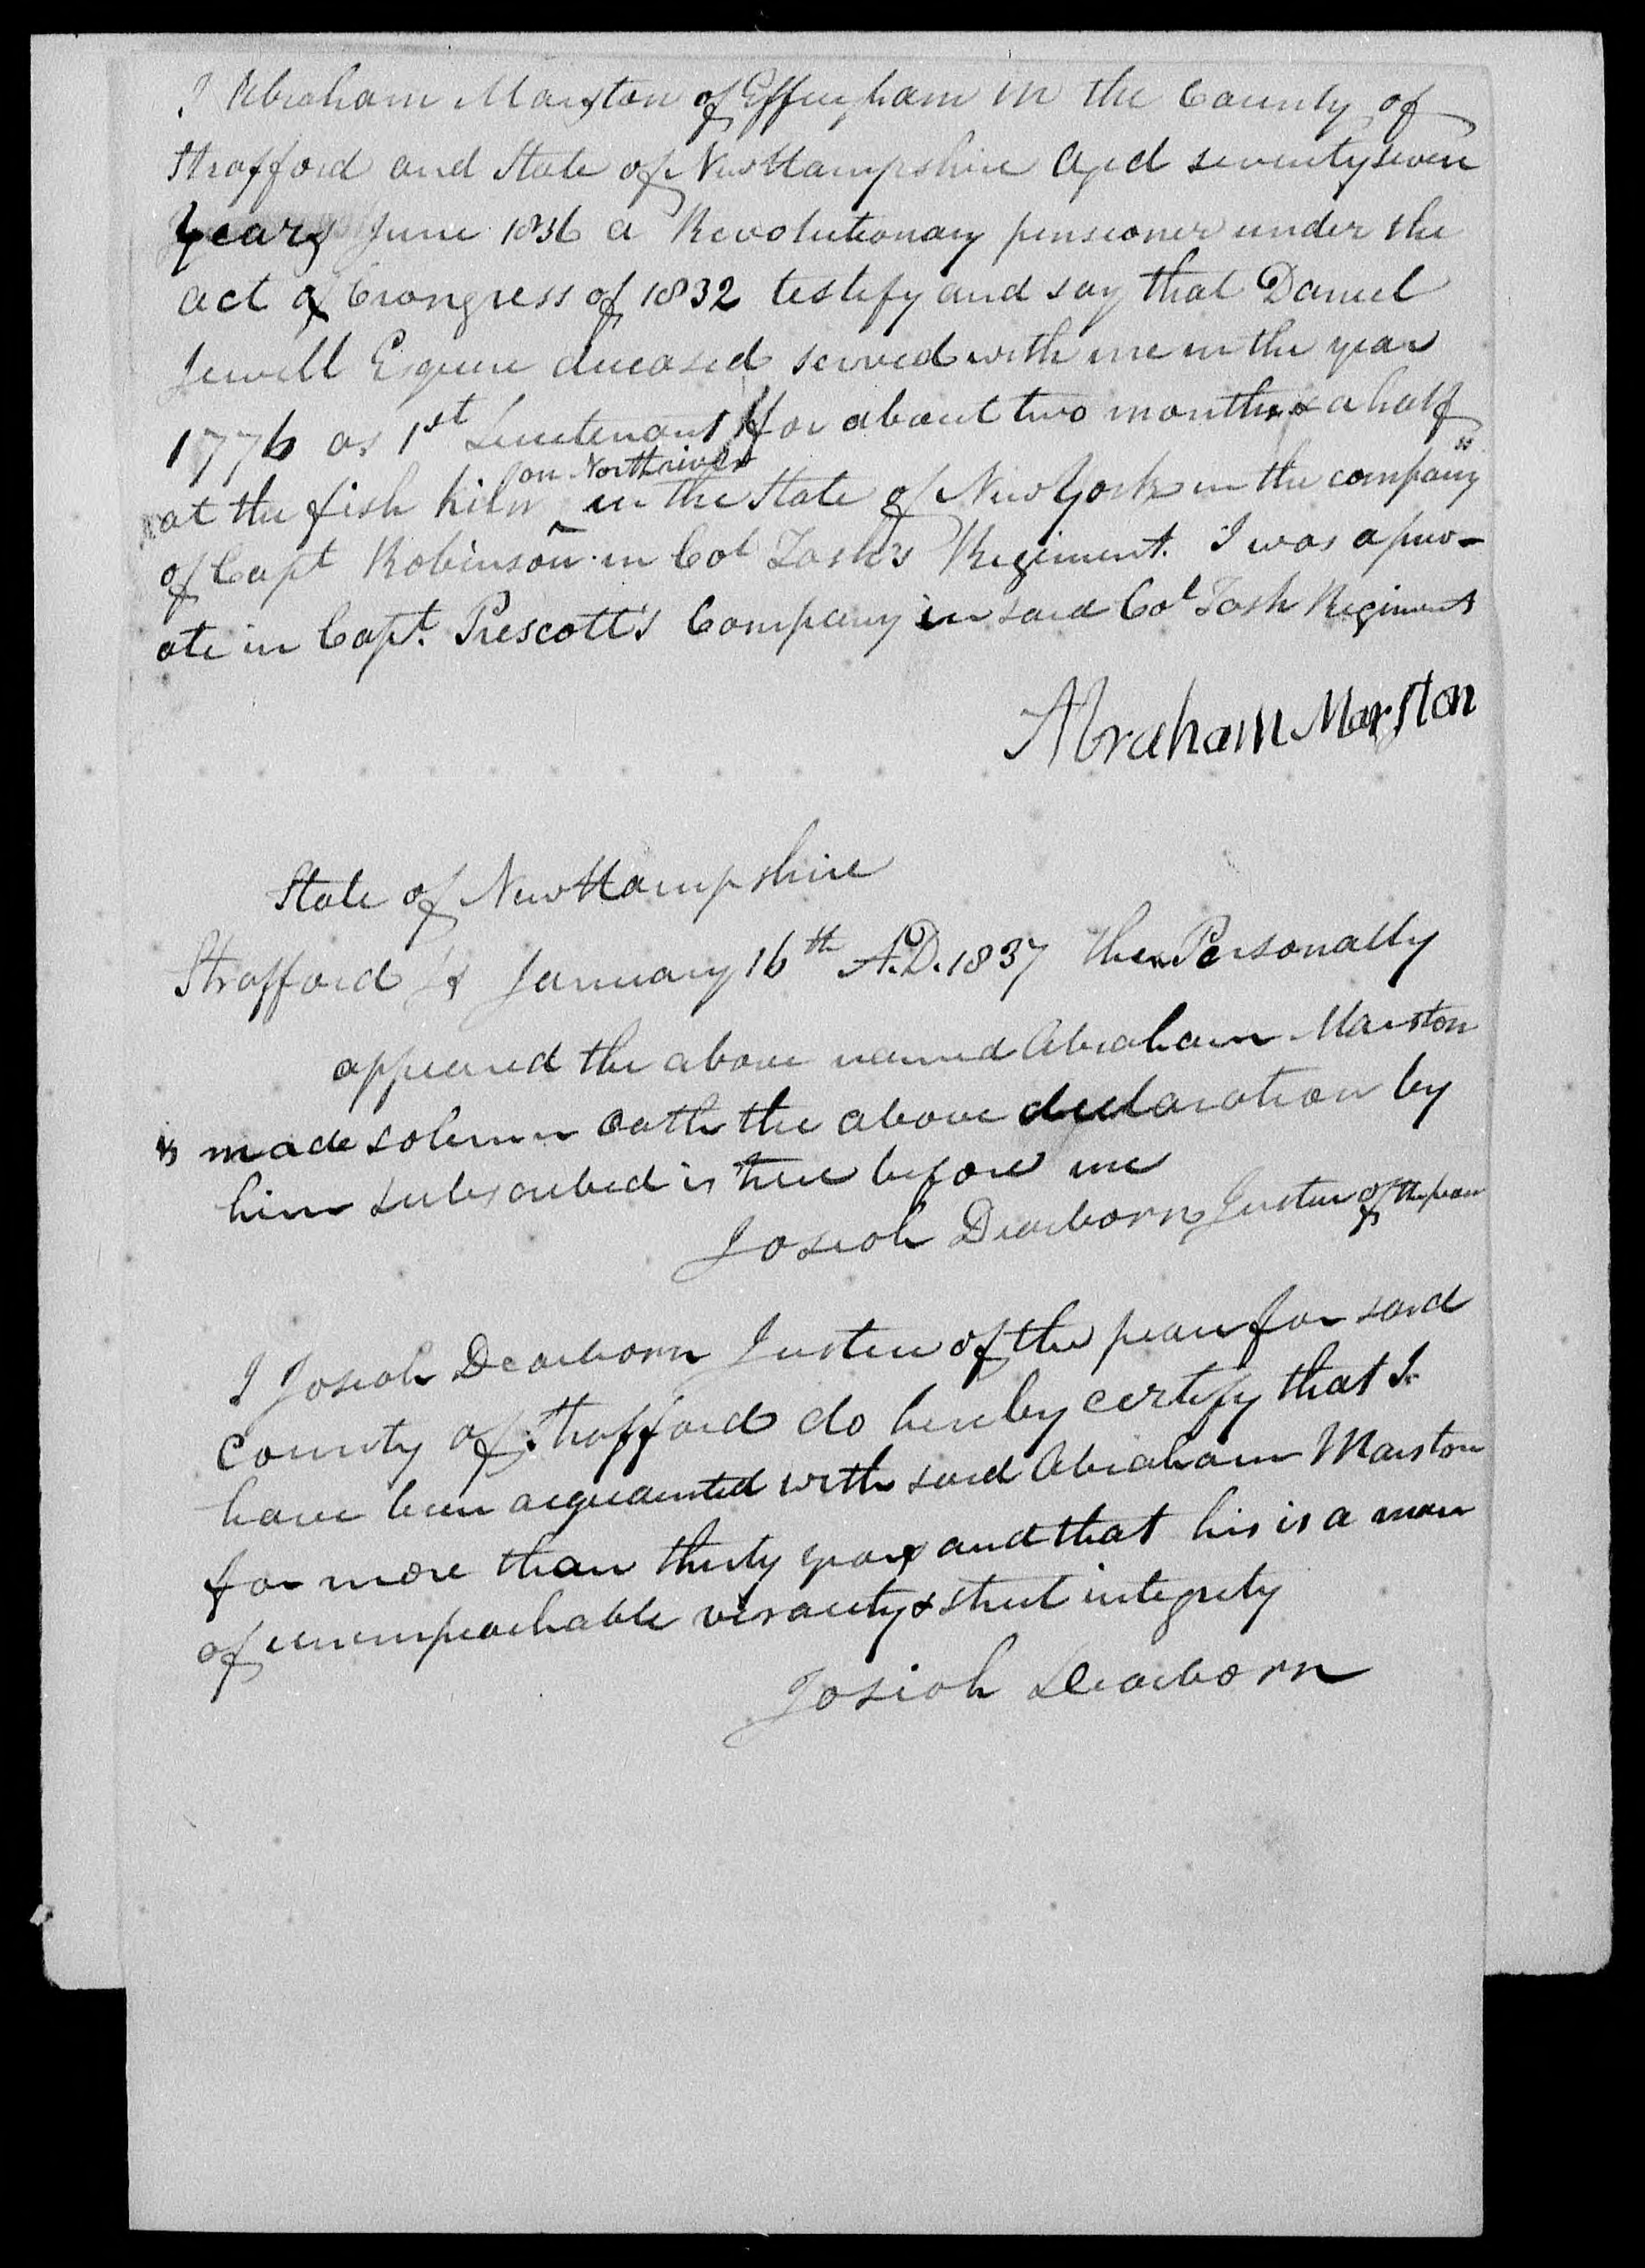I Abraham Marston of Effingham in the County of Strafford and State of New Hampshire aged seventy seven years June 1836 a Revolutionary pensioner under the act of Congress of 1832 testify and say that Daniel Jewell Esquire deceased served with me in the year 1776 as 1st Lieutenant for about two months & a half at the fish kill [FISHKILL] on North river in the State of New York in the company of Capt. Robinson in Col Task's Regiment. I was a private in Capt. Prescott's Company in said Col Task Regiment.
Abraham Marston

State of New Hampshire
Strafford Ss. January 16th A.D. 1837 Then Personally appeared the above named Abraham Marston & made solemn oath the above declaration by him subscribed is true before me
Josiah Dearborn Justice of the Peace

I Josiah Dearborn Justice of the peace for said
County of Strafford do hereby certify that I
have been acquainted with said Abraham Marston for more than thirty years and that his is a name of unimpeachable veracity & strict integrity.
Josiah Dearborn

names: Abraham Marston; Josiah Dearborn; Daniel Jewell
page: 19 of 35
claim: survivor's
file: S. 10912, for Daniel Jewell, New Hampshire